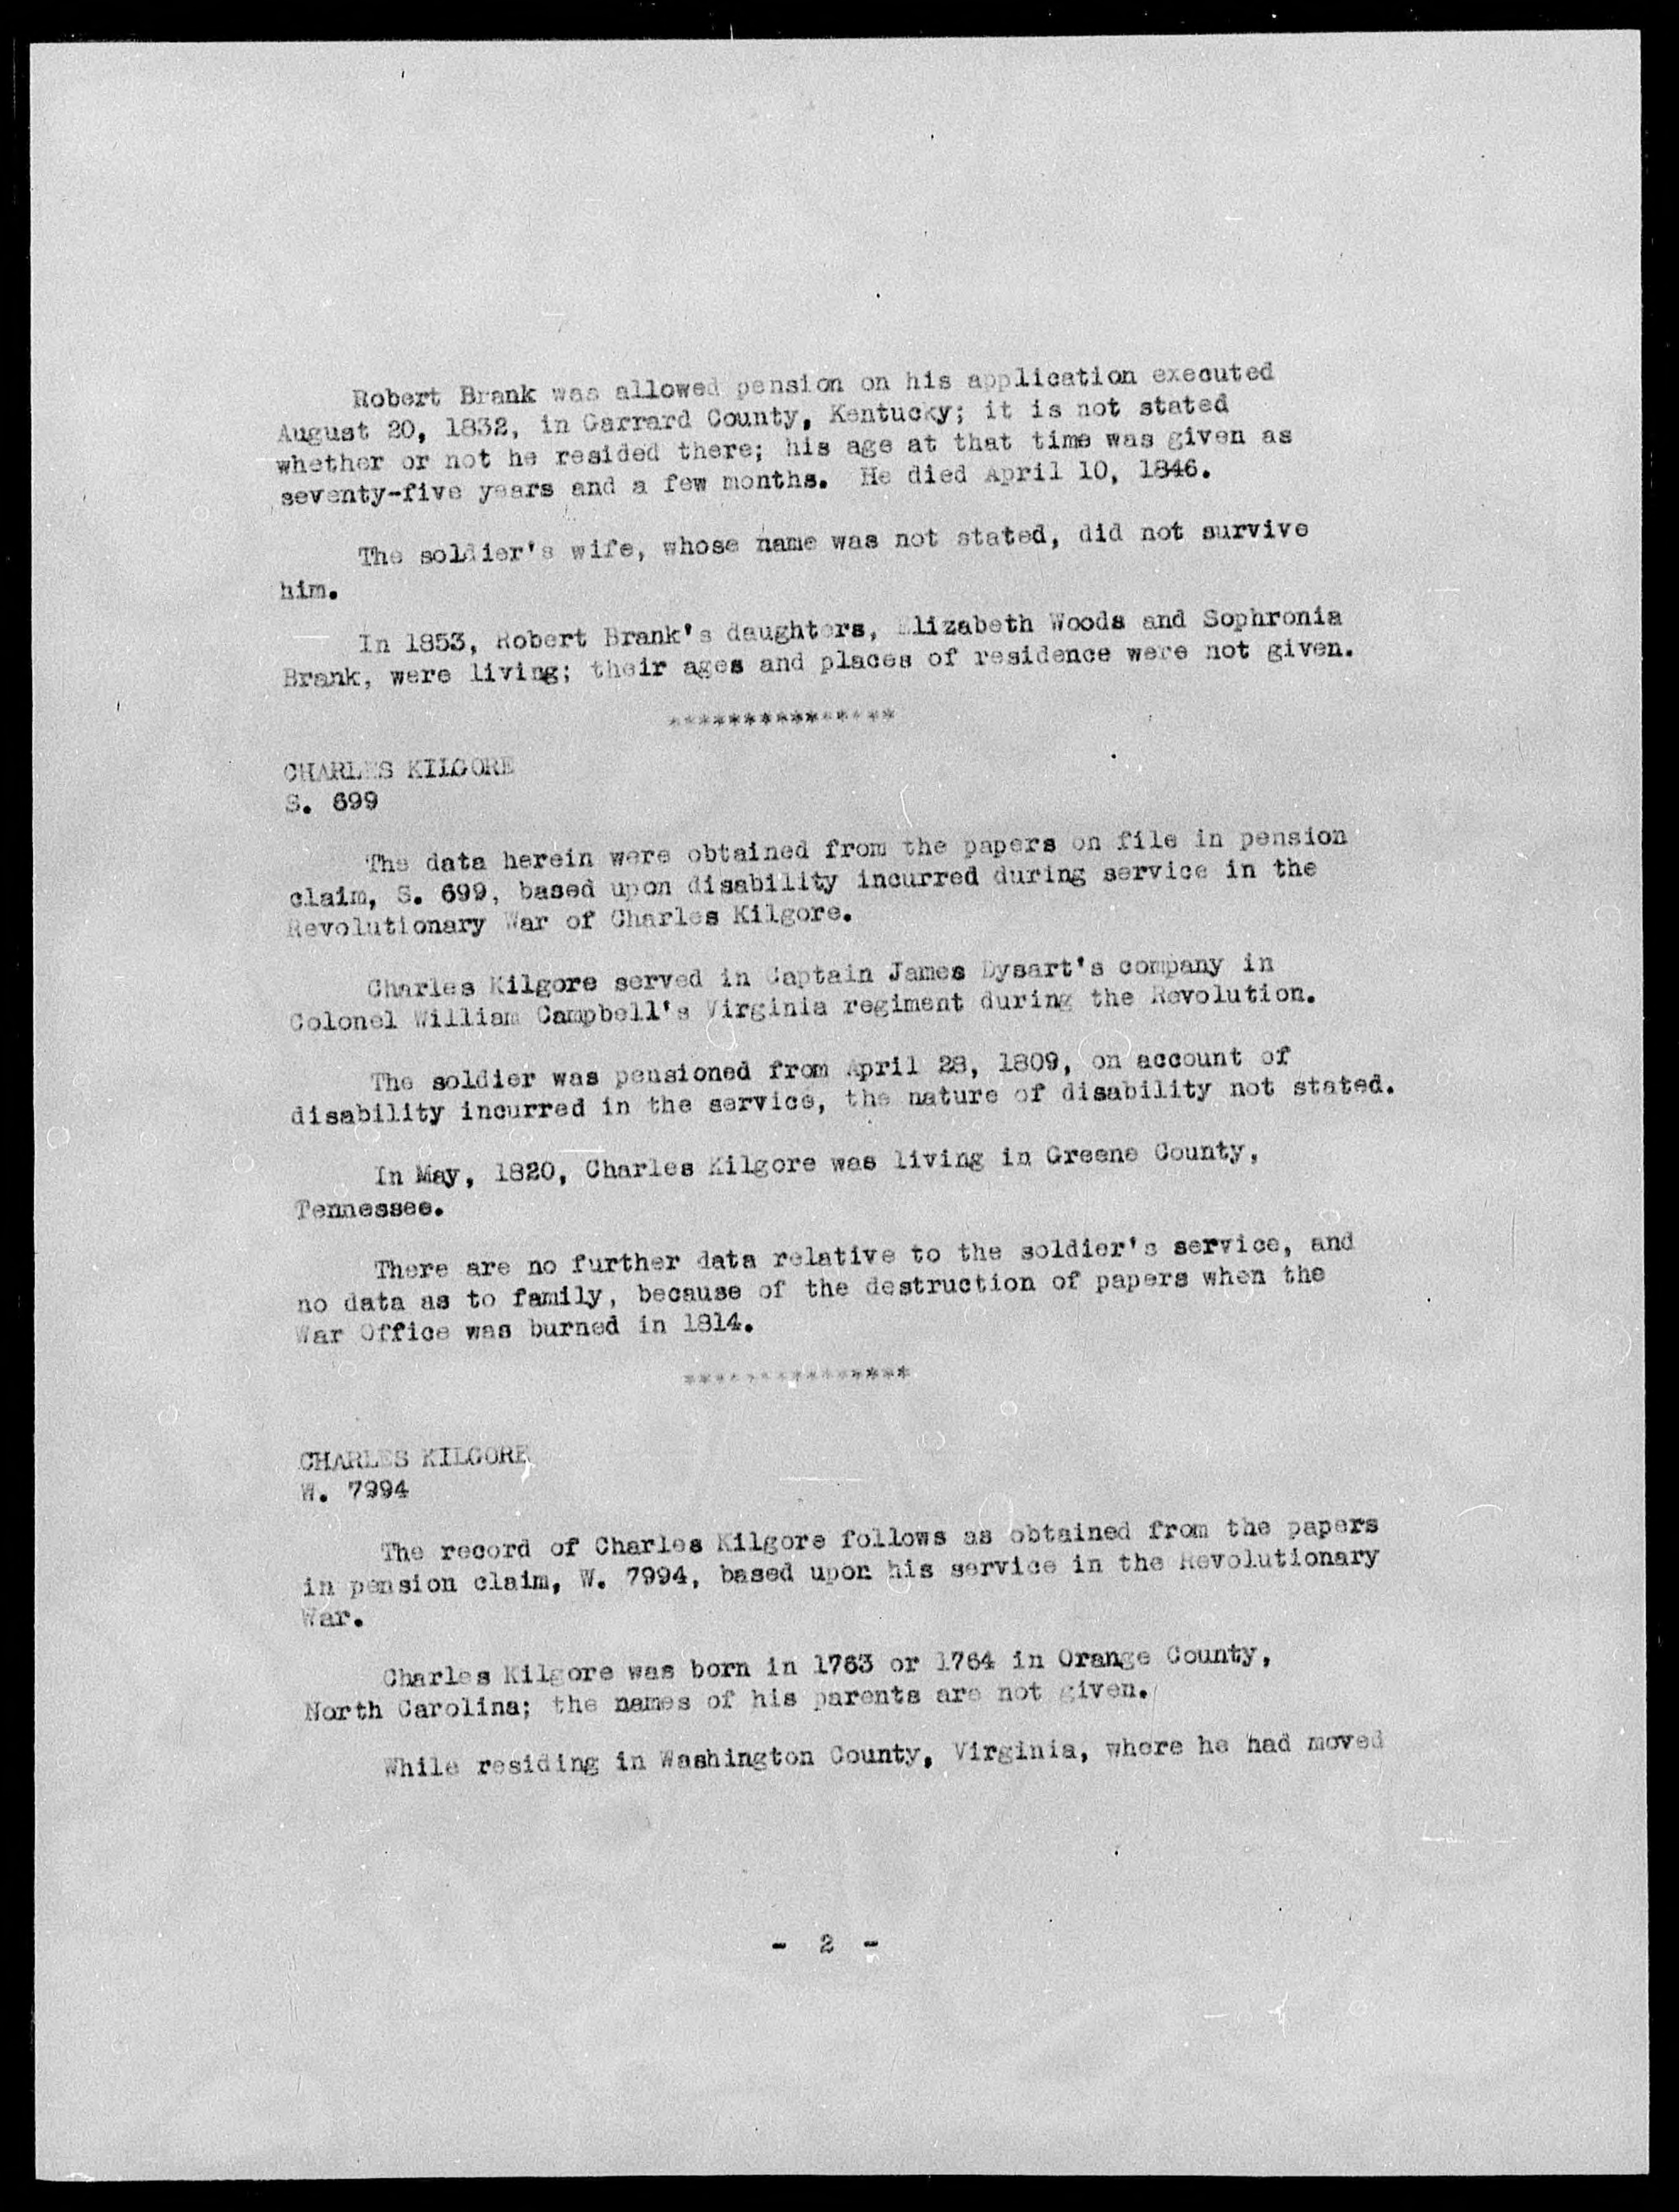Robert Brank was allowed pension on his application executed August 20, 1832, in Garrard County, Kentucky; it is not stated whether or not he resided there; his age at that time was given as seventy-five years and a few months. He died April 10, 1846.
The soldier's wife, whose name was not stated, did not survive him.
In 1853, Robert Brank's daughters, Elizabeth Woods and Sophronia Brank, were living; their ages and places of residence were not given.

CHARLES KILGORE
S. 699
The data herein were obtained from the papers on file in pension claim, S. 699, based upon disability incurred during service in the Revolutionary War of Charles Kilgore.
Charles Kilgore served in Captain James Dysart's company in Colonel William Campbell's Virginia regiment during the Revolution.
The soldier was pensioned from April 28, 1809, on account of disability incurred in the service, the nature of disability not stated.
In May, 1820, Charles Kilgore was living in Greene County, Tennessee.
There are no further data relative to the soldier's service, and no data as to family, because of the destruction of papers when the War Office was burned in 1814.

CHARLES KILGORE,
W. 7294
The record of Charles Kilgore follows as obtained from the papers
in pension claim, W. 7994, based upon his service in the Revolutionary War.
Charles Kilgore was born in 1763 or 1764 in Orange County, North Carolina; the names of his parents are not given.
While residing in Washington County, Virginia, where he had moved

- 2 -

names: Elizabeth Woods; Sophronia Brank; Robert Brank; Charles Kilgore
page: 39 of 115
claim: survivor's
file: S. 699, for Charles Kilgore, Virginia